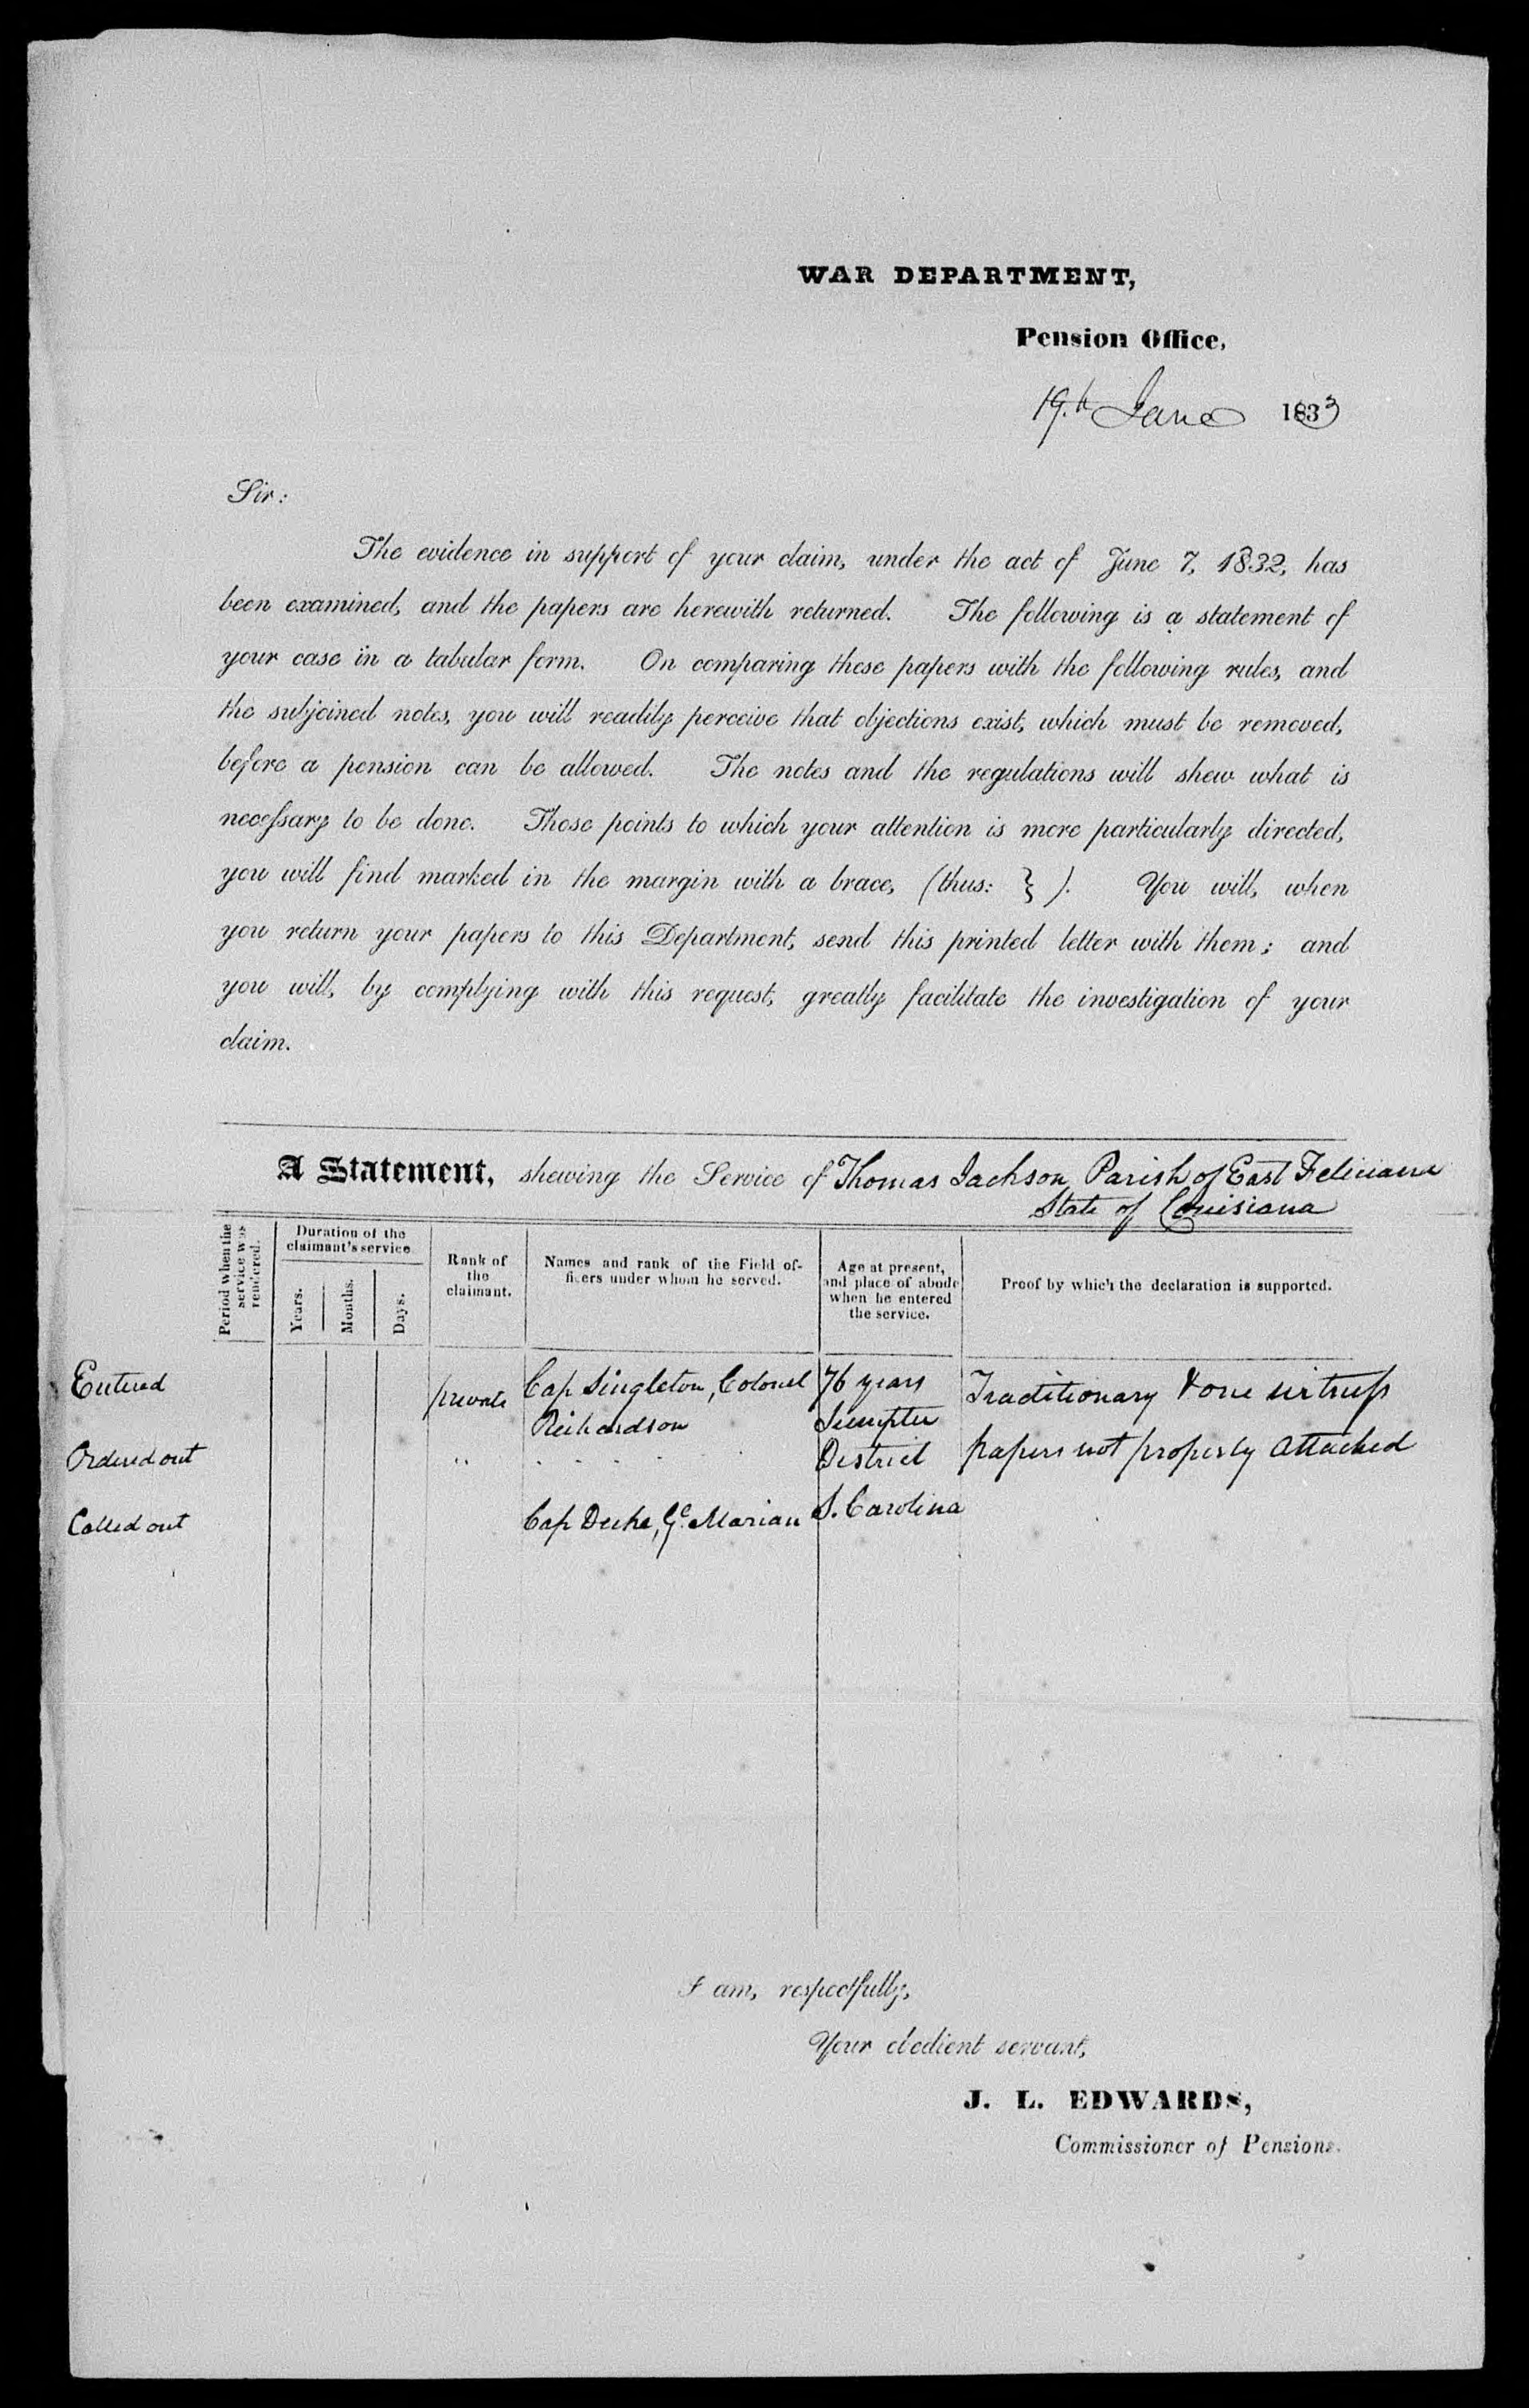WAR DEPARTMENT,
Pension Office,
19th June 1833
Sir:
The evidence in support of your claim, under the act of June 7, 1832, has
been examined, and the papers are herewith returned. The following is a statement of
your case in a tabular form. On comparing these papers with the following rules, and
the subjoined  notes, you will readily perceive that objections exist, which must be removed,
before a pension can be allowed. The notes and regulations will shew what is 
necessary to be done. Those points to which your attention is more particularly directed, 
you will find marked in the margin with a brace, (thus: }). You will, when
you return your papers to this Department, send this printed letter with them; and
you will , by complying with this request, greatly facilitate the investigation of your
claim.
---
A Statement shewing the Service of Thomas Jackson Parish of East Feliciana
State of Louisiana

Entered
Ordered Out
Called out

[columns] Period when the service was rendered
Duration of the claimant's service
Years.  Months.  Days. 

[column] Rank of the claimant.
private

[column]Names and rank of the Field officers under whom he served.
Cap. Singleton, Colonel Richardson
Cap. Singleton, Colonel Richardson
Cap. Duke, G. Marion

[column] Age at present, and place of abode when he entered the service.
76 years
Sumpter District
S. Carolina

[column] Proof by which the declaration is supported.
Traditionary & one writings papers not properly attached

I am, respectfully,
Your obedient servant,
J. L. EDWARDS,
Commissioner of Pensions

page: 14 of 54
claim: survivor's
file: S. 31166, for Thomas Jackson, South Carolina